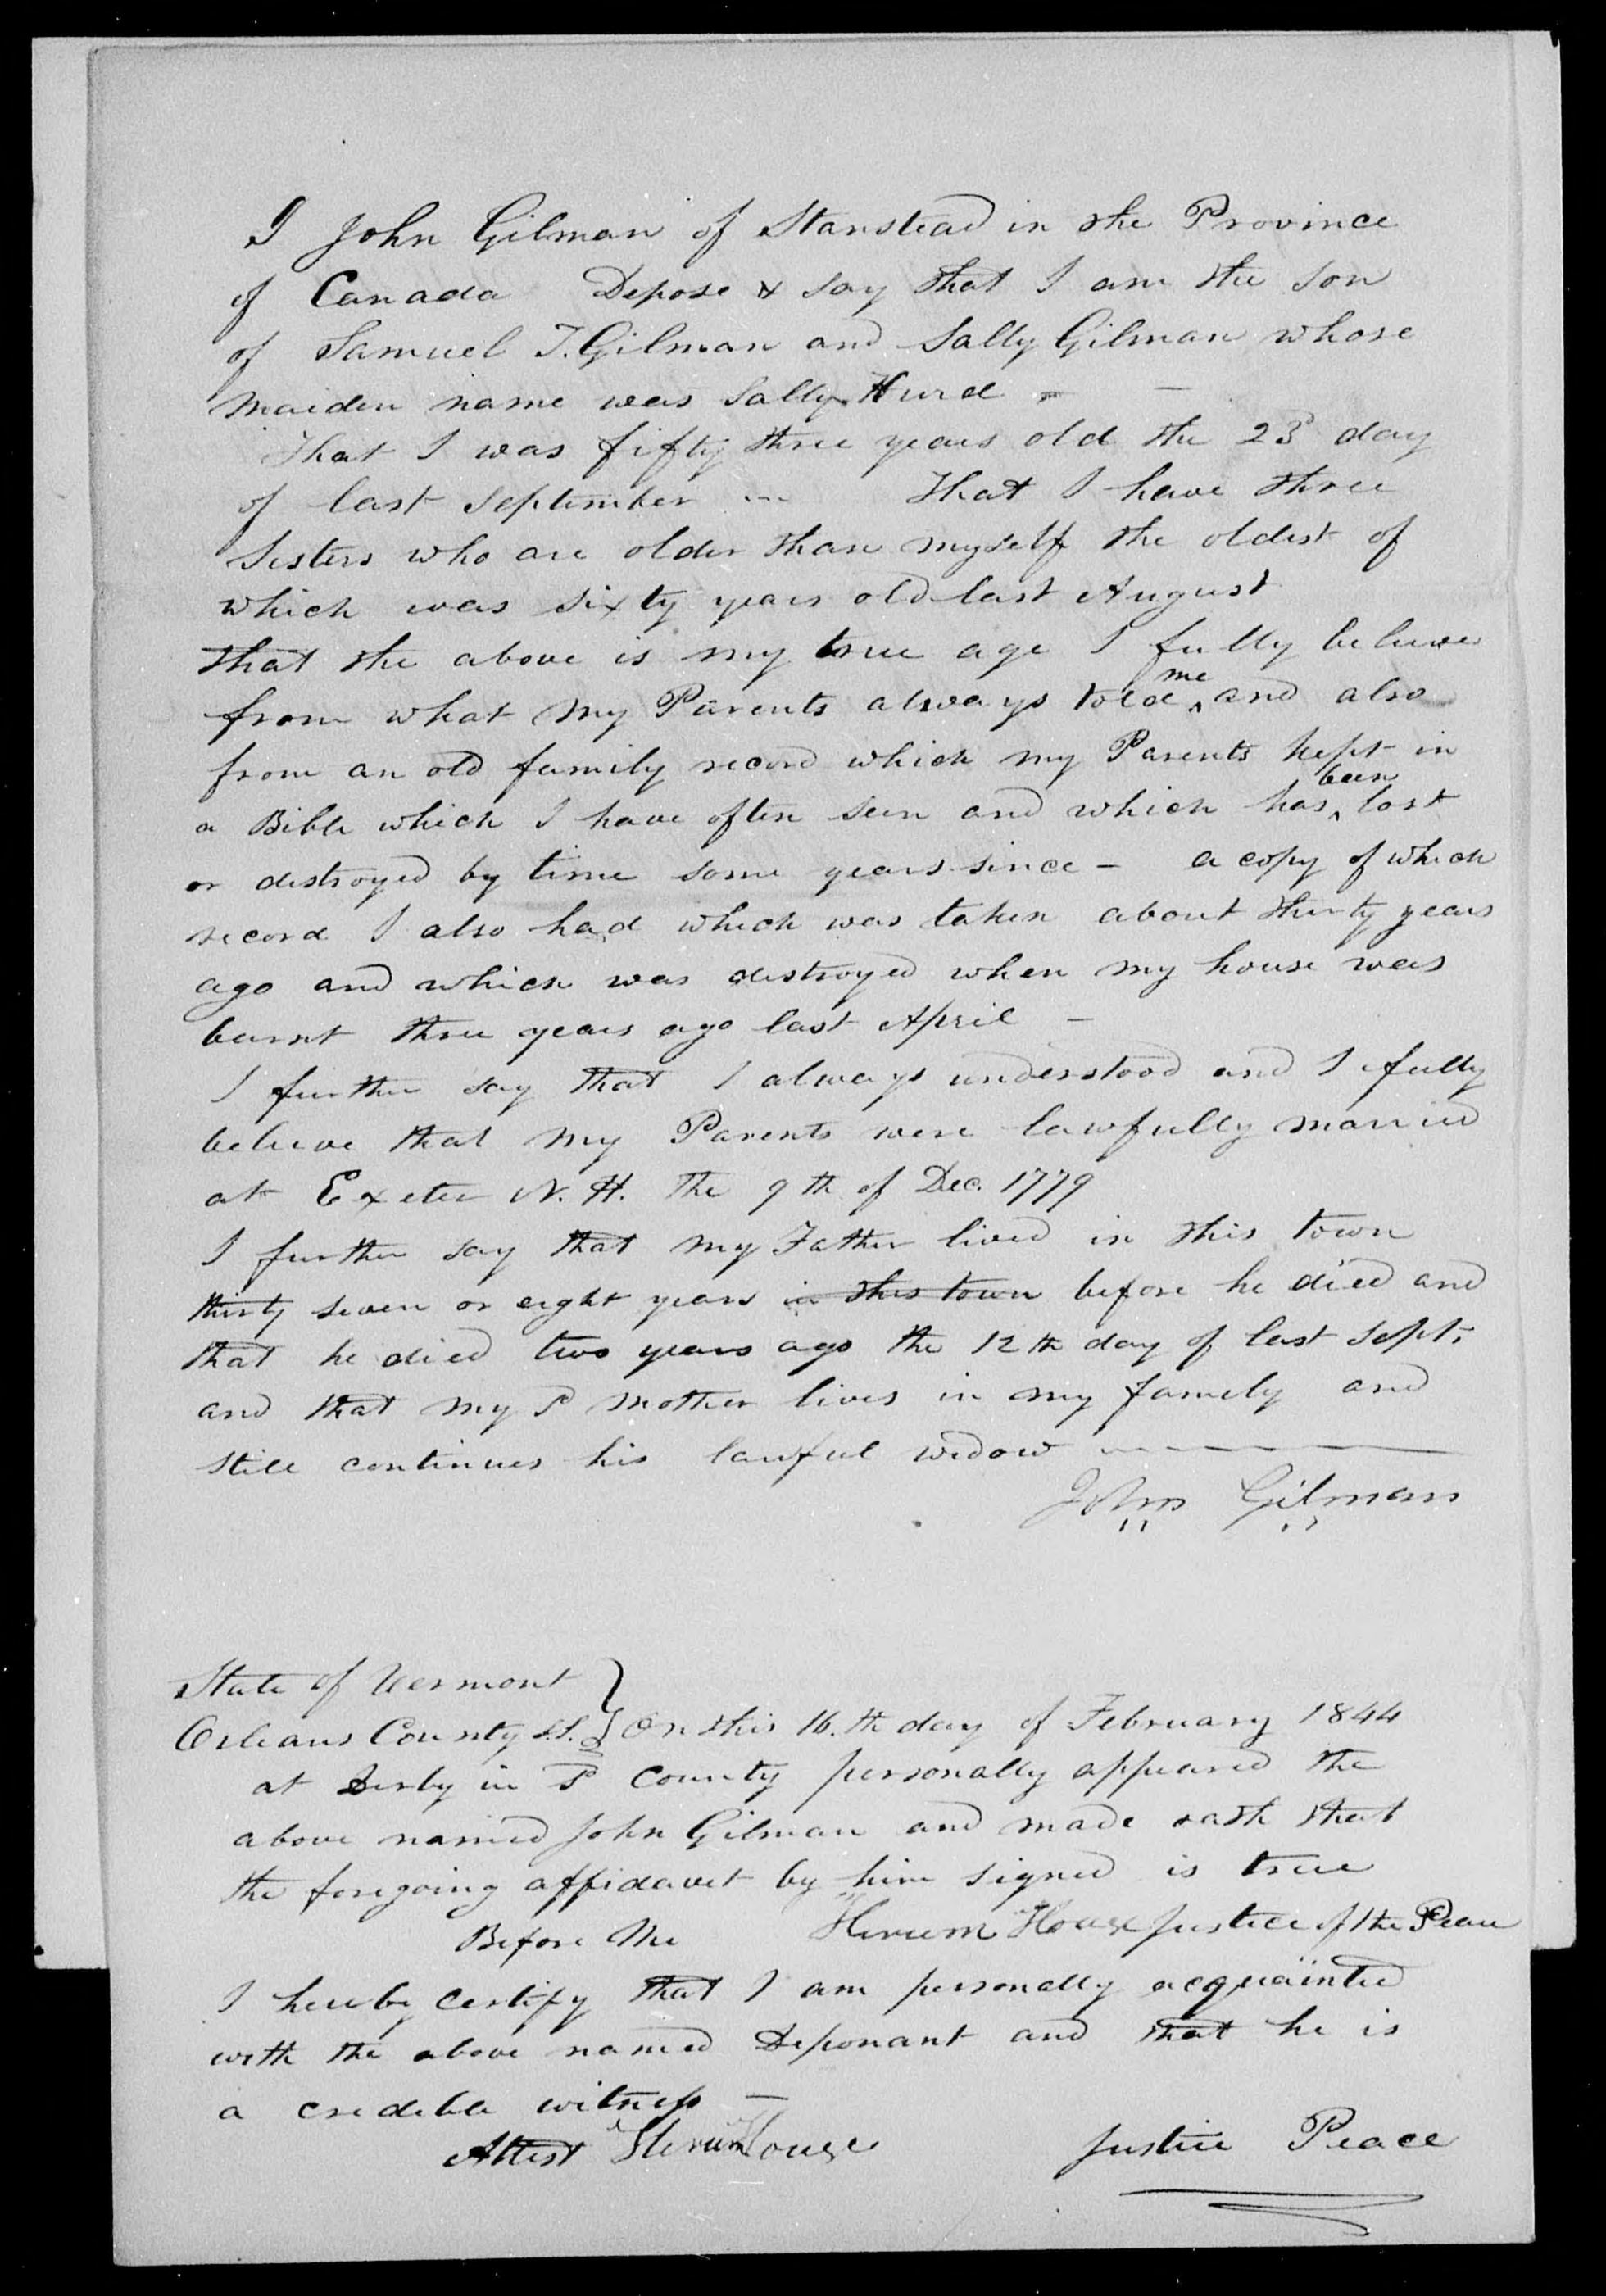I John Gilman of Stanstead in the Province of Canada Depose & say that I am the son of Samuel T. Gilman and Sally Gilman whose maiden name was Sally Hurd.
That I was fifty three years old the 23d day of last September -- That I have three sisters who are older than myself the oldest of which was sixty years old last August
that the above is my true age I fully believe from what my Parents always told me and also from an old family record which my Parents kept in a Bible which I have often seen and which has been lost or destroyed by time some years since -- a copy of which record I also had which was taken about thirty years ago and which was destroyed when my house was burnt three years ago last April -
I further say that I always understood and I fully believe that my Parents were lawfully married at Exeter N.H. the 9th of Dec. 1779
I further say that my Father lived in this town thirty seven or eight years before he died and that he died two years ago the 12th day of last Sept. and that my sd Mother lives in my family and still continues his lawful widow ---
John Gilman

State of Vermont
Orleans County ss }
On this 10th day of February 1844 at Derby in sd County personally appeared the above named John Gilman and made oath that the foregoing affidavit by him signed is true
Before Me Hiram House Justice of the Peace
I hereby certify that I am personally acquainted with the above named Deponant and that he is a credible witness
Attest Hiram House Justice Peace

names: Sally Hurd, Samuel T Gilman, John Gilman, John Gilman, Sally Gilman, John Gilman, Hiram House, Hiram House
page: 7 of 61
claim: widow's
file: W. 19500, Samuel Thing Gilman, Continental N.H.